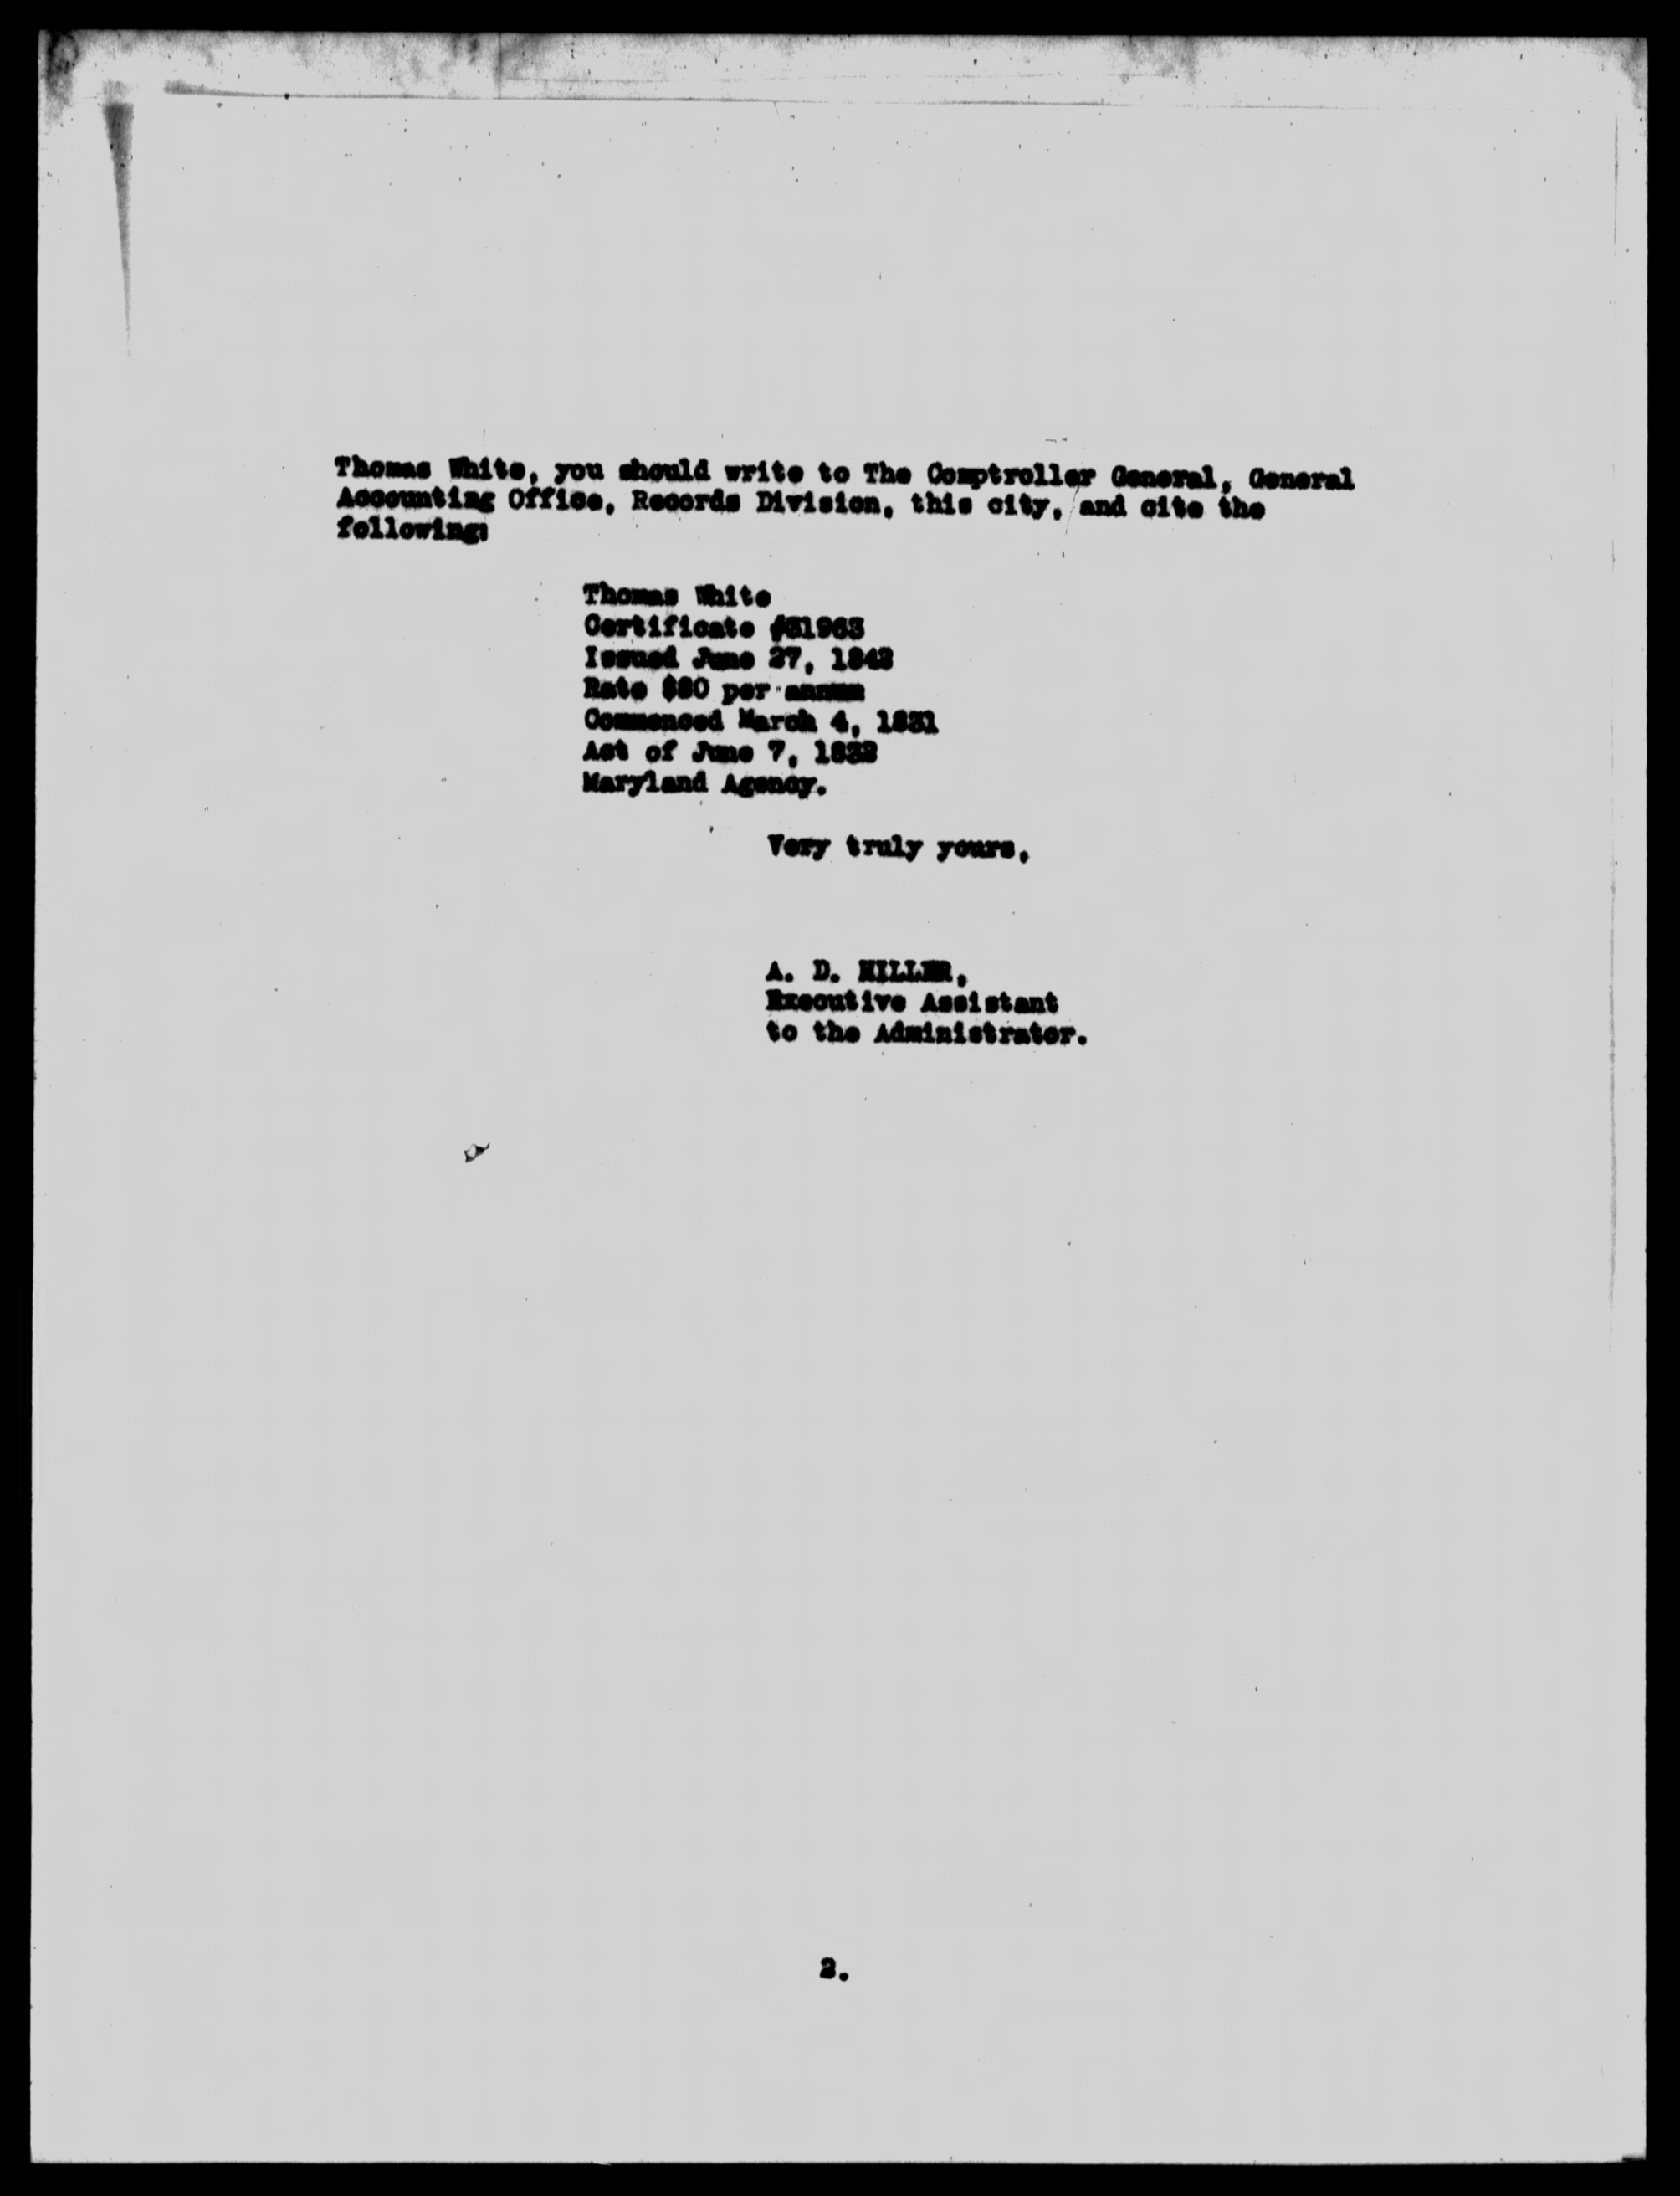Thomas White, you should write to The Comptroller General, General 
Accounting Office, Records Division, this city, and cite the 
following:

Thomas White
Certificate #31963
Issued June 27, 1942
Rate $80 per annum
Commenced March 4, 1831
Act of June 7, 1832
Maryland Agency.

Very truly yours,

A. D. HILLER
Executive Assistant 
to the Administrator.


2.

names: Thomas White, A D Hiller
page: 23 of 43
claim: survivor's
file: S. 15240, Thomas White, Md.